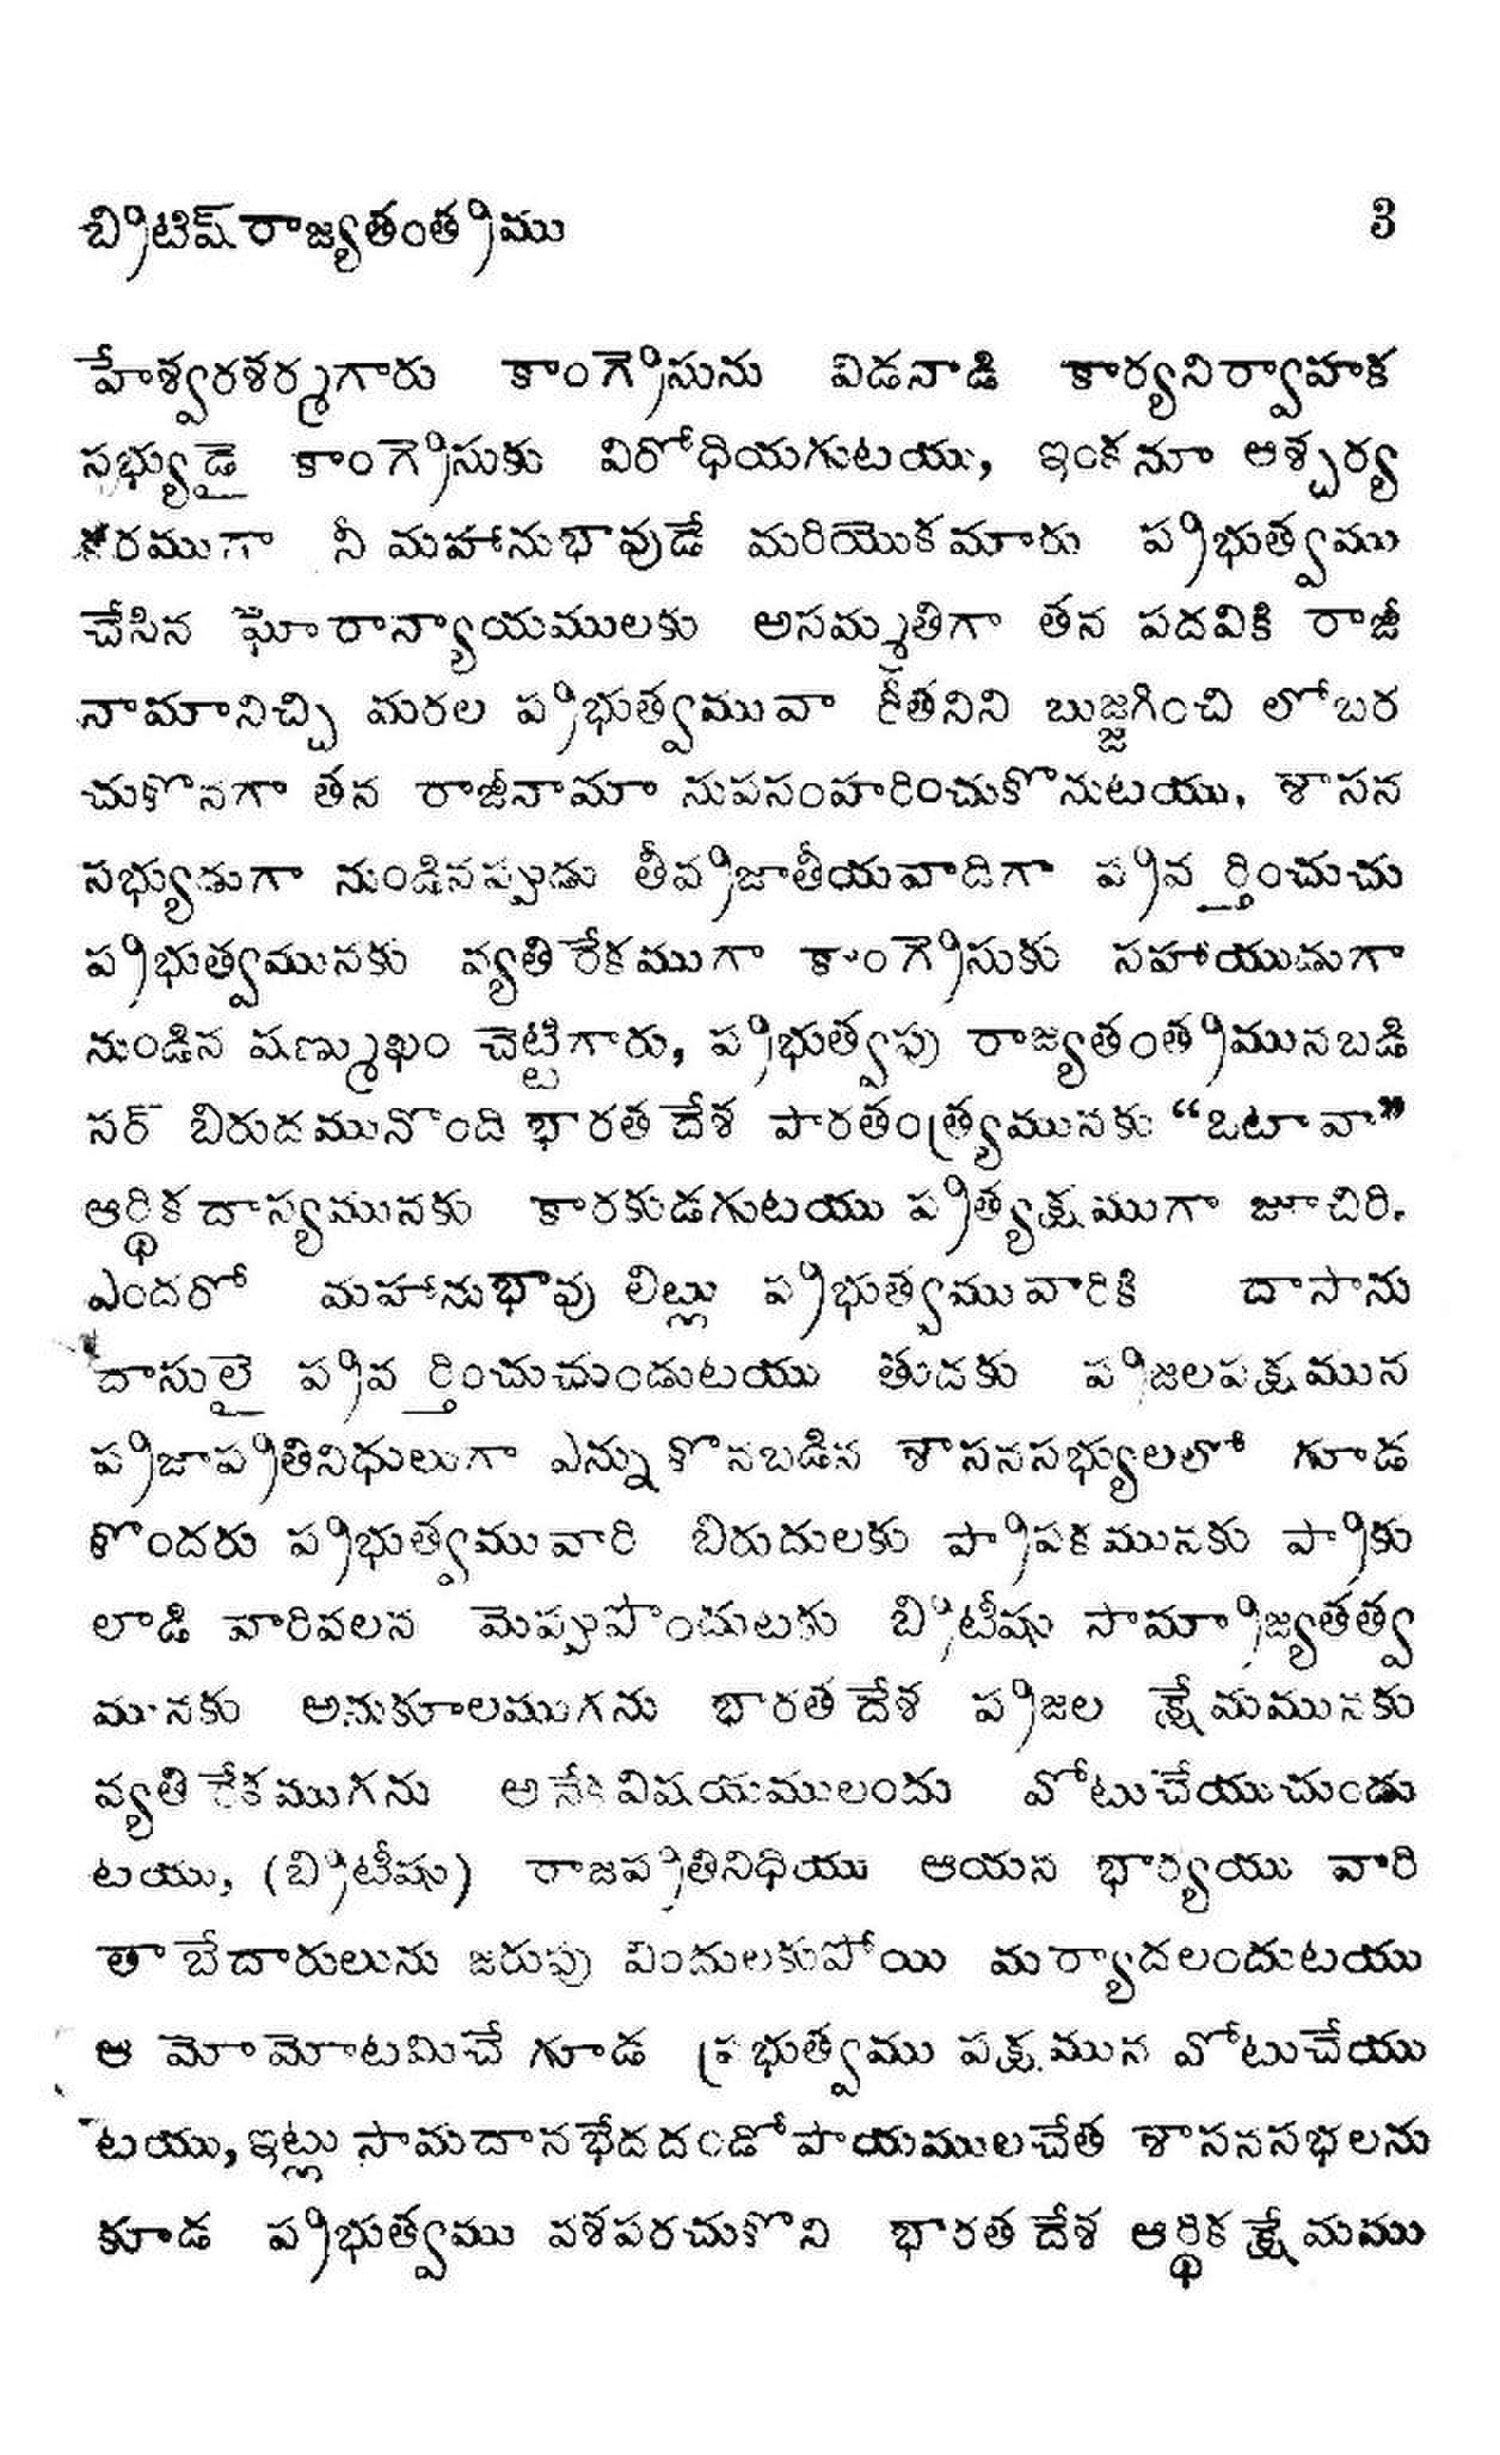హేశ్వరశర్మగారు కాంగ్రెసును విడనాడి కార్యనిర్వాహక సభ్యుడై కాంగ్రెసుకు విరోధియగుటయు, ఇంకనూ ఆశ్చర్యకరముగా నీ మహానుభావుడే మరియొకమారు. ప్రభుత్వము చేసిన ఘోరాన్యాయములకు అసమ్మతిగా తన పదవికి రాజీనామానిచ్చి మరల ప్రభుత్వము వా రీతనిని బుజ్జగించి లోబరచుకొనగా తన రాజీనామా నుపసంహరించుకొనుటయు, శాసనసభ్యుడుగా నుండినప్పుడు తీవ్రజాతీయవాదిగా ప్రవర్తించుచు ప్రభుత్వమునకు వ్యతిరేకముగా కాంగ్రెసుకు సహాయుడుగా నుండిన షణ్ముఖం చెట్టిగారు, ప్రభుత్వపు రాజ్యతంత్రమునబడి సర్ బిరుదమునొంది భారతదేశ పారతంత్ర్యమునకు “ఒటావా” ఆర్థికదాస్యమునకు కారకుడగుటయు ప్రత్యక్షముగా జూచిరి. ఎందరో మహానుభావు లిట్లు ప్రభుత్వమువారికి దాసాను దాసులై ప్రవర్తించుచుండుటయు తుదకు ప్రజలపక్షమున ప్రజాప్రతినిధులుగా ఎన్నుకొనబడిన శాసనసభ్యులలో గూడ కొందరు ప్రభుత్వమువారి బిరుదులకు ప్రాపకమునకు ప్రాకులాడి వారివలన మెప్పుపొందుటకు బ్రిటీషు సామ్రాజ్యతత్వమునకు అనుకూలముగను భారతదేశ ప్రజల క్షేమమునకు వ్యతిరేకముగను అనేకవిషయములందు వోటుచేయుచుండుటయు, (బ్రిటీషు) రాజప్రతినిధియు ఆయన భార్యయు వారి తాబేదారులును జరుపు విందులకుపోయి మర్యాదలందుటయు ఆ మోమోటమిచే గూడ ప్రభుత్వము పక్షమున వోటుచేయుటయు, ఇట్లు సామదానభేదదండోపాయములచేత శాసనసభలను కూడ ప్రభుత్వము వశపరచుకొని భారతదేశ ఆర్థికక్షేమము